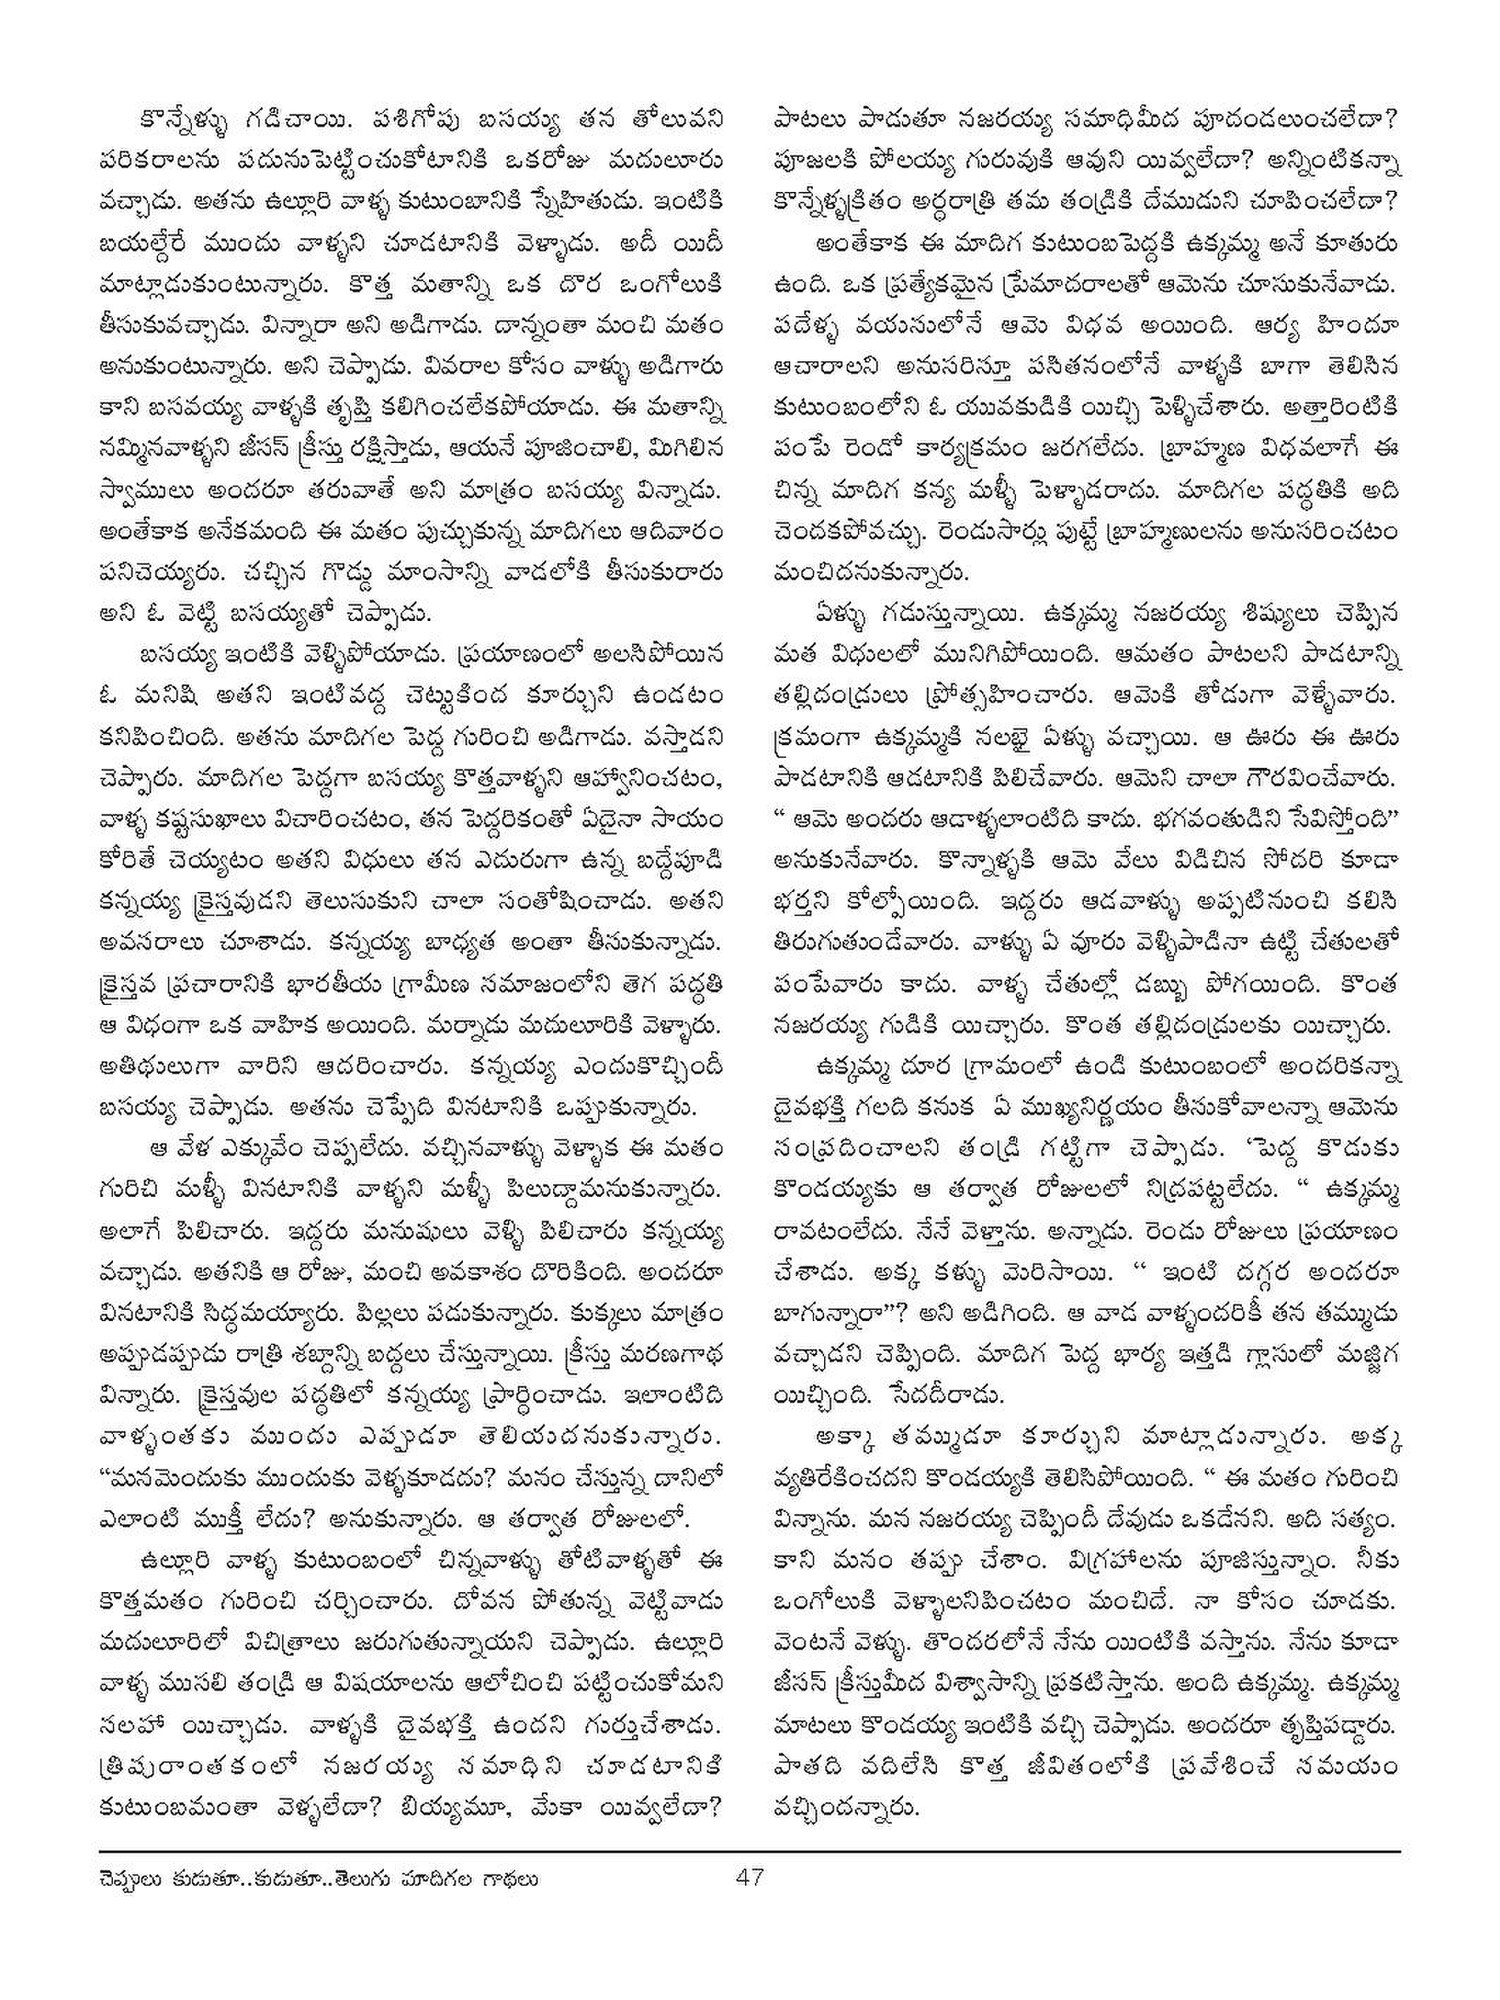కొన్నేళ్ళు గడిచాయి. పశిగోపు బసయ్య తన తోలుపని పరికరాలను పదునుపెట్టించుకోటానికి ఒకరోజు మదులూరు వచ్చాడు. అతను ఉల్లూరి వాళ్ళ కుటుంబానికి స్నేహితుడు. ఇంటికి బయల్దేరే ముందు వాళ్ళని చూడటానికి వెళ్ళాడు. అదీ యిదీ మాట్లాడుకుంటున్నారు. కొత్త మతాన్ని ఒక దొర ఒంగోలుకి
తీసుకువచ్చాడు. విన్నారా అని అడిగాడు. దాన్నంతా మంచి మతం అనుకుంటున్నారు. అని చెప్పాడు. వివరాల కోసం వాళ్ళు అడిగారు. కాని బసవయ్య వాళ్ళకి తృప్తి కలిగించలేకపోయాడు. ఈ మతాన్ని
నమ్మినవాళ్ళని జీసస్ క్రీస్తు రక్షిస్తాడు. ఆయనే పూజించాలి. మిగిలిన స్వాములు అందరూ తరువాతే అని మాత్రం బసయ్య విన్నాడు. అంతేకాక అనేకమంది ఈ మతం పుచ్చుకున్న మాదిగలు ఆదివారం
పనిచెయ్యరు. వచ్చిన గొడ్డు మాంసాన్ని వాడలోకి తీసుకురారు అని ఓ వెట్టి బసయ్యతో చెప్పాడు.

బసయ్య ఇంటికి వెళ్ళిపోయాడు. ప్రయాణంలో అలసిపోయిన ఓ మనిషి అతని ఇంటివద్ద చెట్టుకింద కూర్చుని ఉండటం కనిపించింది. అతను మాదిగల పెద్ద గురించి అడిగాడు. వస్తాడని చెప్పారు. మాదిగల పెద్దగా బసయ్య కొత్తవాళ్ళని ఆహ్వానించటం, వాళ్ళ కష్టసుఖాలు విచారించటం, తన పెద్దరికంతో ఏదైనా సాయంకోరితే చెయ్యటం అతని విధులు తన ఎదురుగా ఉన్న బద్దేపూడి కన్నయ్య క్రైస్తవుడని తెలుసుకుని చాలా సంతోషించాడు. అతని అవసరాలు చూశాడు. కన్నయ్య బాధ్యత అంతా తీసుకున్నాడు. క్రైస్తవ ప్రచారానికి భారతీయ గ్రామీణ సమాజంలోని తెగ పద్ధతి ఆ విధంగా ఒక వాహిక అయింది. మర్నాడు మదులూరికి వెళ్ళారు. అతిధులుగా వారిని ఆదరించారు. కన్నయ్య ఎందుకొచ్చింది
బసయ్య చెప్పాడు. అతను చెప్పేది వినటానికి ఒప్పుకున్నారు.

ఆ వేళ ఎక్కువేం చెప్పలేదు. వచ్చినవాళ్ళు వెళ్ళాక ఈ మతం గురిచి మళ్ళీ వినటానికి వాళ్ళని మళ్ళీ పిలుద్దామనుకున్నారు. అలాగే పిలిచారు. ఇద్దరు మనుషులు వెళ్ళి పిలిచారు కన్నయ్య వచ్చాడు. అతనికి ఆ రోజు, మంచి అవకాశం దొరికింది. అందరూ వినటానికి సిద్ధమయ్యారు. పిల్లలు పడుకున్నారు. కుక్కలు మాత్రం అప్పుడప్పుడు రాత్రి శబ్దాన్ని బద్దలు చేస్తున్నాయి. క్రీస్తు మరణగాథ విన్నారు. క్రైస్తవుల పద్ధతిలో కన్నయ్య ప్రార్ధించాడు. ఇలాంటిది వాళ్ళంతకు ముందు ఎప్పుడూ తెలియదనుకున్నారు. “మనమెందుకు ముందుకు వెళ్ళకూడదు? మనం చేస్తున్న దానిలో ఎలాంటి ముక్తి లేదు? అనుకున్నారు. ఆ తర్వాత రోజులలో.

ఉల్లూరి వాళ్ళ కుటుంబంలో చిన్నవాళ్ళు తోటివాళ్ళతో ఈ కొత్తమతం గురించి చర్చించారు. దోవన పోతున్న వెట్టివాడు మదులూరిలో విచిత్రాలు జరుగుతున్నాయని చెప్పాడు. ఉల్లూరి వాళ్ళ ముసలి తండ్రి ఆ విషయాలను ఆలోచించి పట్టించుకోమని సలహా యిచ్చాడు. వాళ్ళకి దైవభక్తి ఉందని గుర్తుచేశాడు.
త్రిపురాంతకంలో నజరయ్య సమాధిని చూడటానికి కుటుంబమంతా వెళ్ళలేదా? బియ్యమూ, మేకా యివ్వలేదా? పాటలు పాడుతూ నజరయ్య సమాధిమీద పూదండలుంచలేదా? పూజలకి పోలయ్య గురువుకి ఆవుని యివ్వలేదా? అన్నింటికన్నా కొన్నేళ్ళక్రితం అర్ధరాత్రి తమ తండ్రికి దేముడుని చూపించలేదా?

అంతేకాక ఈ మాదిగ కుటుంబ పెద్దకి ఉక్కమ్మ అనే కూతురు ఉంది. ఒక ప్రత్యేకమైన ప్రేమాదరాలతో ఆమెను చూసుకునేవాడు. పదేళ్ళ వయసులోనే ఆమె విధవ అయింది. ఆర్య హిందూ ఆచారాలని అనుసరిస్తూ పసితనంలోనే వాళ్ళకి బాగా తెలిసిన కుటుంబంలోని ఓ యువకుడికి యిచ్చి పెళ్ళిచేశారు. అత్తారింటికి పంపే రెండో కార్యక్రమం జరగలేదు. బ్రాహ్మణ విధవలాగే ఈ చిన్న మాదిగ కన్య మళ్ళీ పెళ్ళాడరాదు. మాదిగల పద్ధతికి అది చెందకపోవచ్చు. రెండుసార్లు పుట్టే బ్రాహ్మణులను అనుసరించటం
మంచిదనుకున్నారు.

ఏళ్ళు గడుస్తున్నాయి. ఉక్కమ్మ నజరయ్య శిష్యులు చెప్పిన మత విధులలో మునిగిపోయింది. ఆమతం పాటలని పాడటాన్ని తల్లిదండ్రులు ప్రోత్సహించారు. ఆమెకి తోడుగా వెళ్ళేవారు. క్రమంగా ఉక్కమ్మకి నలభై ఏళ్ళు వచ్చాయి. ఆ ఊరు ఈ ఊరు పాడటానికి ఆడటానికి పిలిచేవారు. ఆమెని చాలా గౌరవించేవారు.
"ఆమె అందరు ఆడాళ్ళలాంటిది కాదు. భగవంతుడిని సేవిస్తోంది." అనుకునేవారు. కొన్నాళ్ళకి ఆమె వేలు విడిచిన సోదరి కూడా భర్తని కోల్పోయింది. ఇద్దరు ఆడవాళ్ళు అప్పటినుంచి కలిసి తిరుగుతుండేవారు. వాళ్ళు ఏ వూరు వెళ్ళిపాడినా ఉట్టి చేతులతో పంపేవారు కాదు. వాళ్ళ చేతుల్లో డబ్బు పోగయింది. కొంత
నజరయ్య గుడికి యిచ్చారు. కొంత తల్లిదండ్రులకు యిచ్చారు.

ఉక్కమ్మ దూర గ్రామంలో ఉండి కుటుంబంలో అందరికన్నా దైవభక్తి గలది కనుక ఏ ముఖ్యనిర్ణయం తీసుకోవాలన్నా ఆమెను సంప్రదించాలని తండ్రి గట్టిగా చెప్పాడు. 'పెద్ద కొడుకు కొండయ్యకు ఆ తర్వాత రోజులలో నిద్రపట్టలేదు. "ఉక్కమ్మ రావటంలేదు. నేనే వెళ్తాను. అన్నాడు. రెండు రోజులు ప్రయాణం
చేశాడు. అక్క కళ్ళు మెరిసాయి. " ఇంటి దగ్గర అందరూ బాగున్నారా"? అని అడిగింది. ఆ వాడ వాళ్ళందరికీ తన తమ్ముడు. వచ్చాడని చెప్పింది. మాదిగ పెద్ద భార్య ఇత్తడి గ్లాసులో మజ్జిగ యిచ్చింది. సేదదీరాడు.

అక్కా తమ్ముడూ కూర్చుని మాట్లాడుకున్నారు. అక్క వ్యతిరేకించదని కొండయ్యకి తెలిసిపోయింది. "ఈ మతం గురించి విన్నాను. మన నజరయ్య చెప్పిందీ దేవుడు ఒకడేనని. అది సత్యం. కాని మనం తప్పు చేశాం. విగ్రహాలను పూజిస్తున్నాం. నీకు ఒంగోలుకి వెళ్ళాలనిపించటం మంచిదే. నా కోసం చూడకు.
వెంటనే వెళ్ళు. తొందరలోనే నేను యింటికి వస్తాను. నేను కూడా జీసస్ క్రీస్తుమీద విశ్వాసాన్ని ప్రకటిస్తాను. అంది ఉక్కమ్మ. ఉక్కమ్మ మాటలు కొండయ్య ఇంటికి వచ్చి చెప్పాడు. అందరూ తృప్తిపడ్డారు. పాతది వదిలేసి కొత్త జీవితంలోకి ప్రవేశించే సమయం వచ్చిందన్నారు.